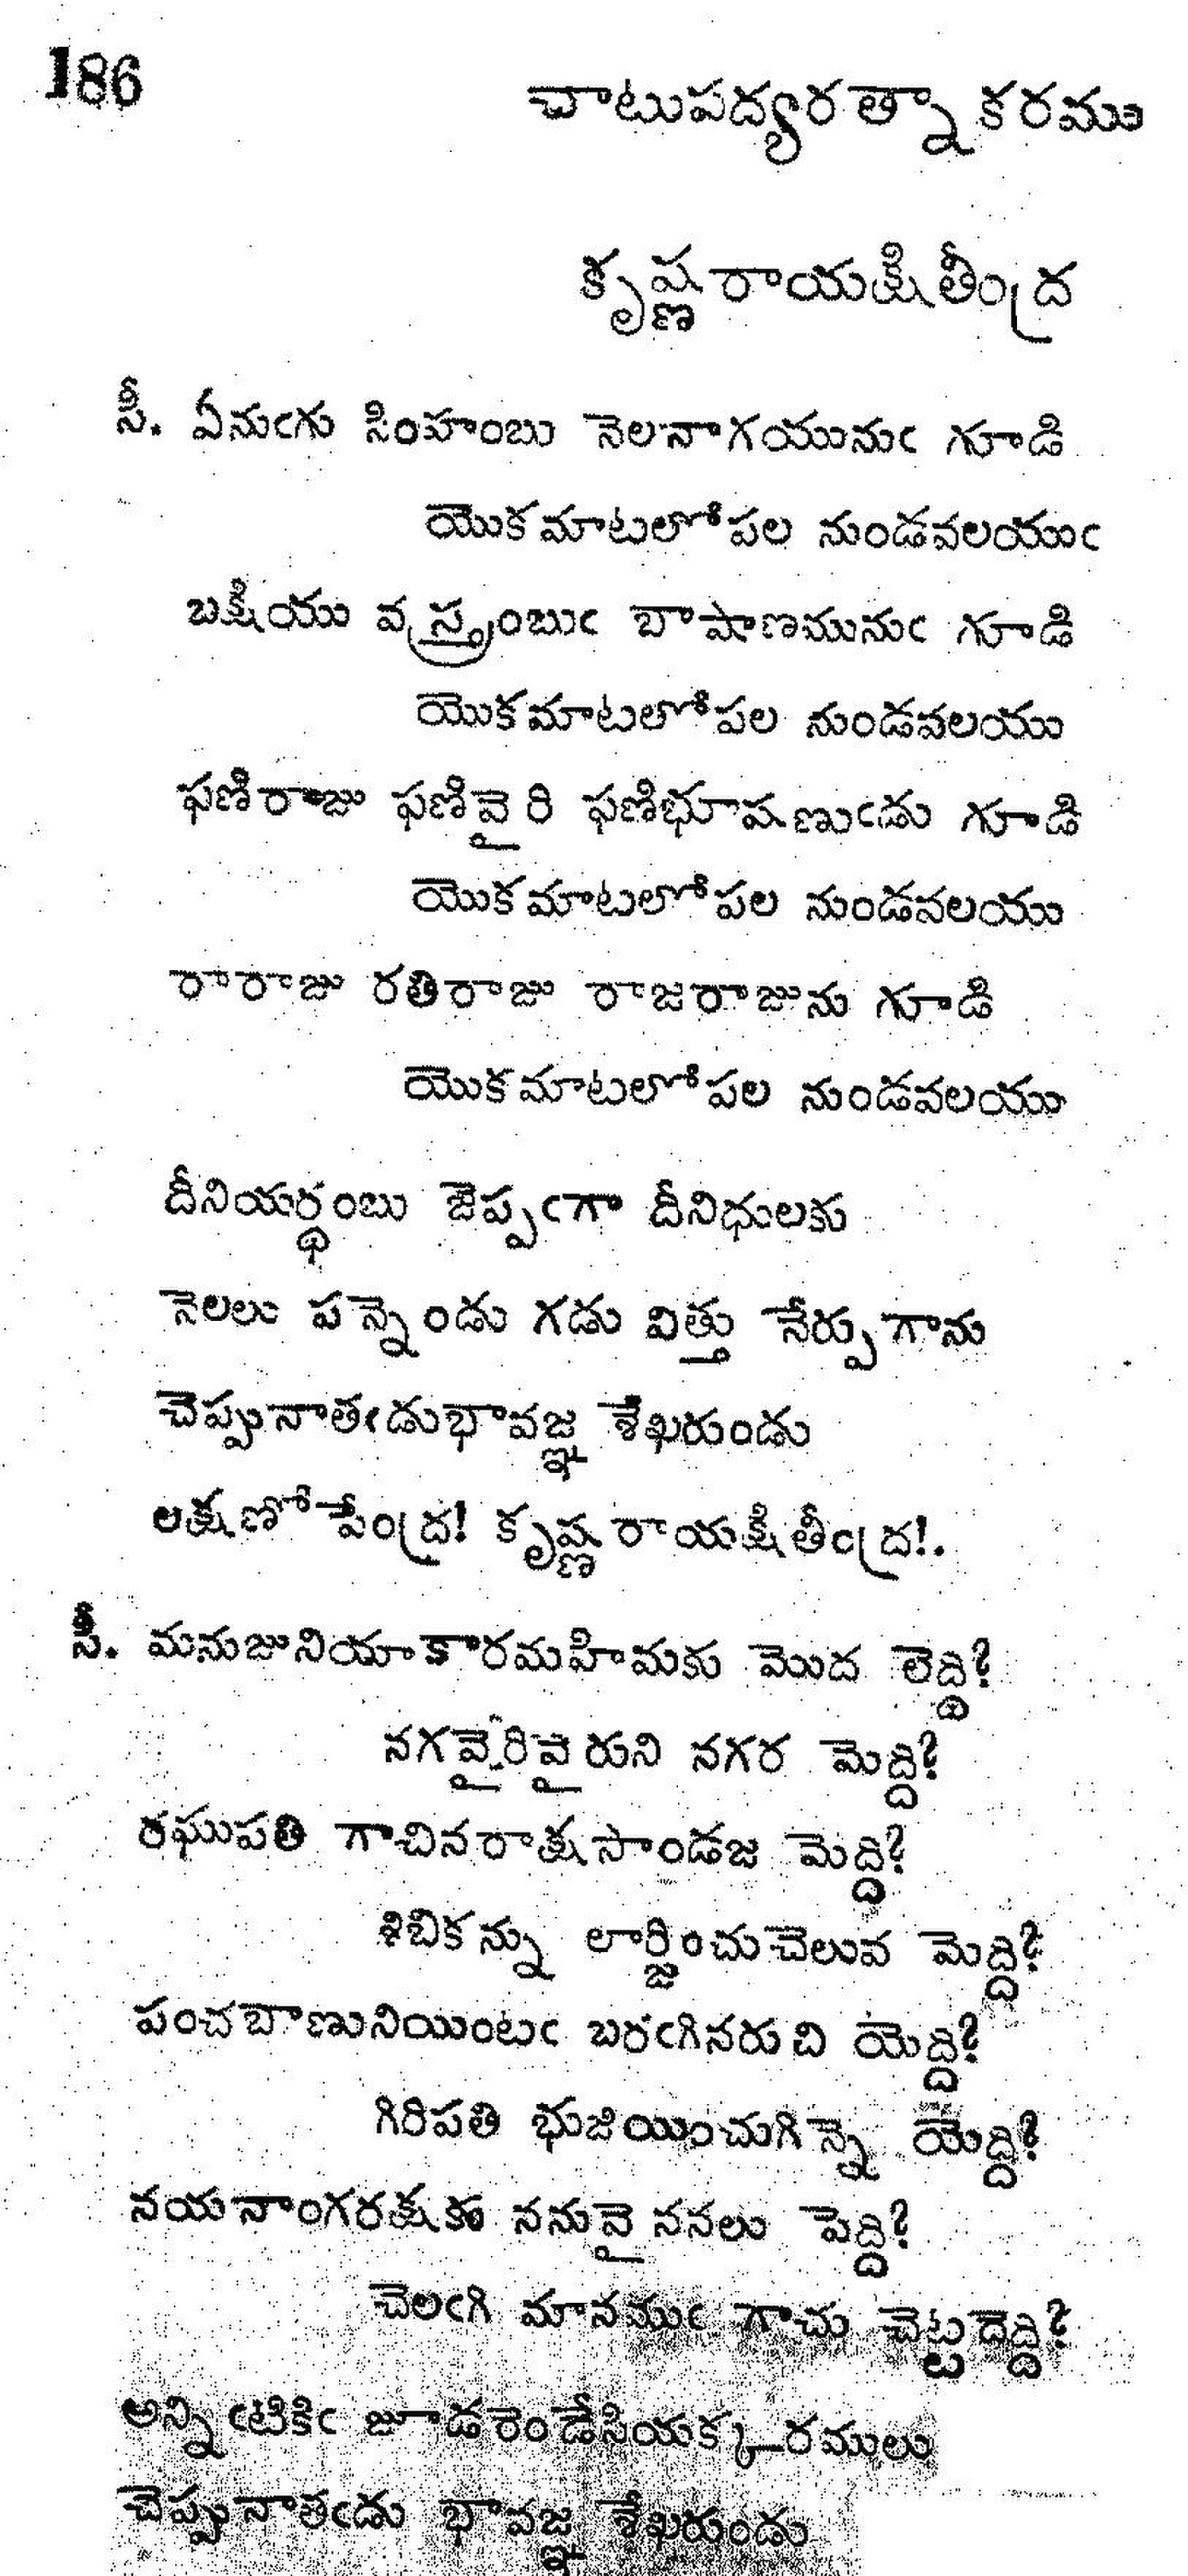సీ. ఏనుఁగు సింహంబు నెలనాగయునుఁ గూడి
 యొకమాటలోపల నుండవలయుఁ
 బక్షియు వస్త్రంబుఁ బాషాణమునుఁ గూడి
 యొకమాటలోపల నుండవలయుఁ
 ఫణిరాజు ఫణివైరి ఫణిభూషణుఁడు గూడి
 యొకమాటలోపల నుండవలయుఁ
 రారాజు రతిరాజు రాజరాజును గూడి
 యొకమాటలోపల నుండవలయుఁ
 దీనియర్థంబు జెప్పఁగా దీనిధులకు
 నెలలు పన్నెండు గడు విత్తు నేర్పుగాను
 చెప్పునాతఁడు భావజ్ఞశేఖరుండు
 లక్షణోపేంద్ర! కృష్ణరాయక్షితీంద్ర!

సీ. మనుజునియాకారమహిమకు మొద లెద్ది?
 నగవైరివైరుని నగర మెద్ది?
 రఘుపతి గాచిన రాక్షసాండజ మెద్ది?
 శిబికన్ను లార్జించు చెలువ మెద్ది?
 పంచబాణునియింటఁ బరఁగినరుచి యెద్ది?
 గిరిపతి భుజియించుగిన్నె యెద్ది?
 నయనాంగరక్షకు ననువైనన నలు పెద్ది?
 చెలఁగి మానముఁ గాచు చెట్టదెద్ది?
 అన్నిఁటికిఁ జూడ రెండేసియక్కరములు
 చెప్పునాతఁడు భావజ్ఞశేఖరుండు